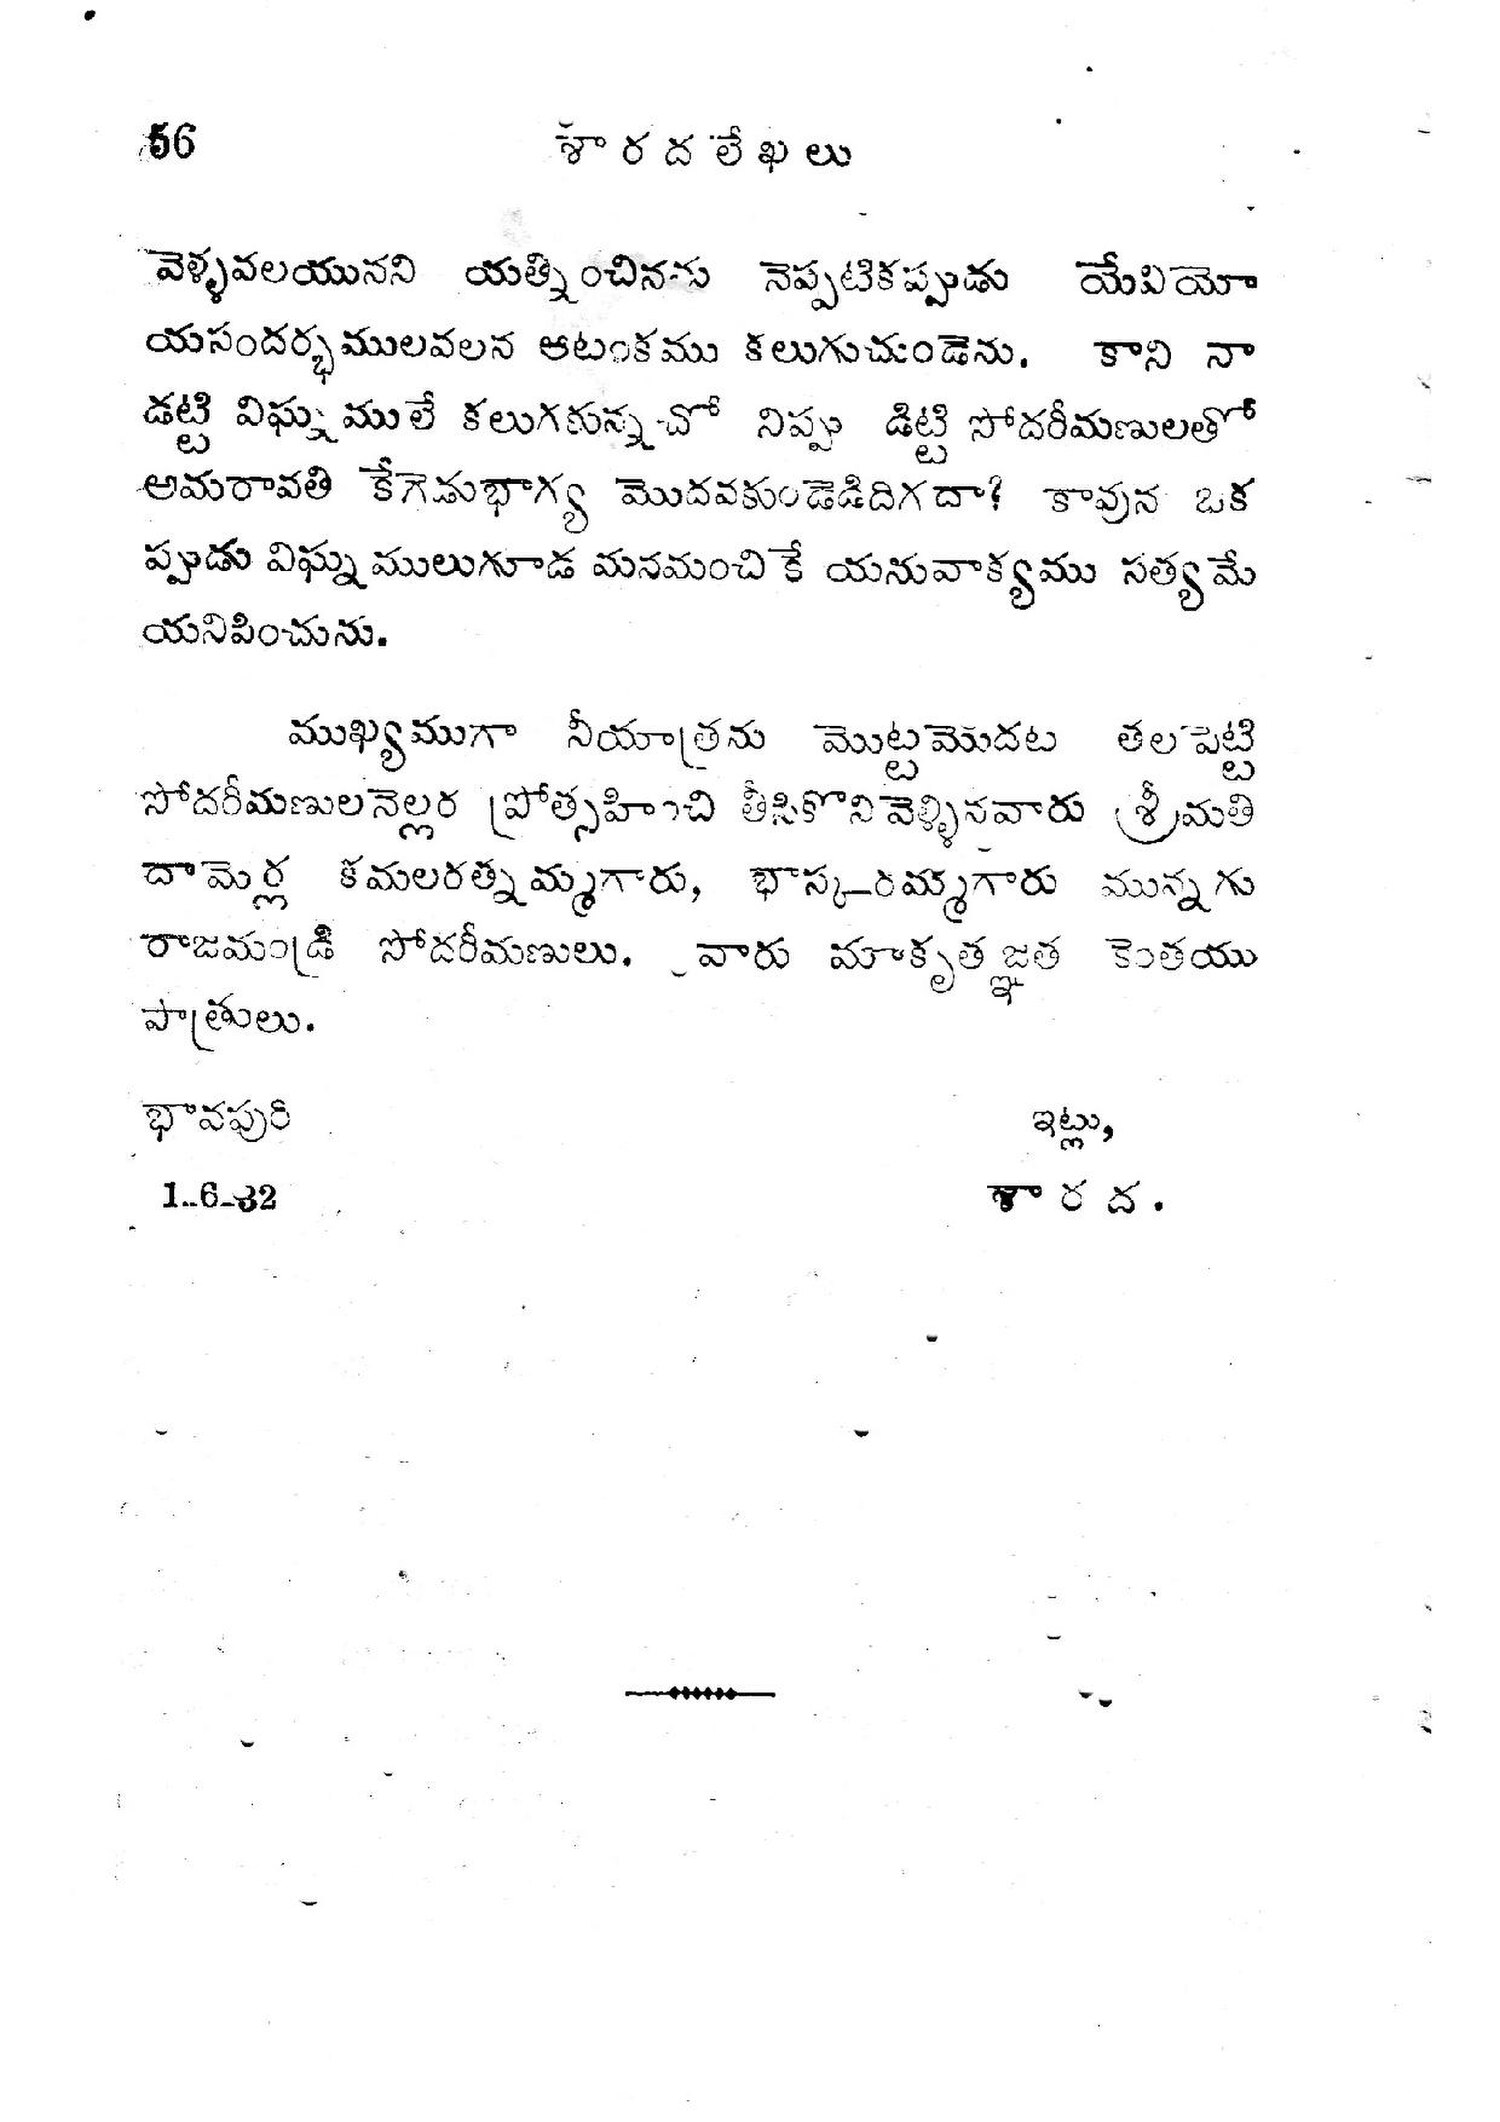వెళ్ళవలయునని యత్నించిన నెప్పటికప్పుడు యేవియో
యసందర్భములవలన ఆటంకము కలుగుచుండెను. కాని నా
డట్టి విఘ్నములే కలుగకున్నచో నిప్పు డిట్టి సోదరీమణులతో
అమరావతి కేగెడుభాగ్య మొదవకుండెడిదిగదా? కావున ఒక
ప్పుడు విఘ్నుములుగూడ మనమంచికే యనువాక్యము సత్యమే
యనిపించును. 

ముఖ్యముగా నీయాత్రను మొట్టమొదట తల పెట్టి
సోదరీమణులనెల్లర ప్రోత్సహించి తీసికొనివెళ్ళినవారు శ్రీమతి
దామెర్ల కమలరత్నమ్మగారు, భాస్కరమ్మగారు మున్నగు
రాజమండ్రి సోదరీమణులు. వారు మాకృతజ్ఞత కెంతయు
పాత్రులు.